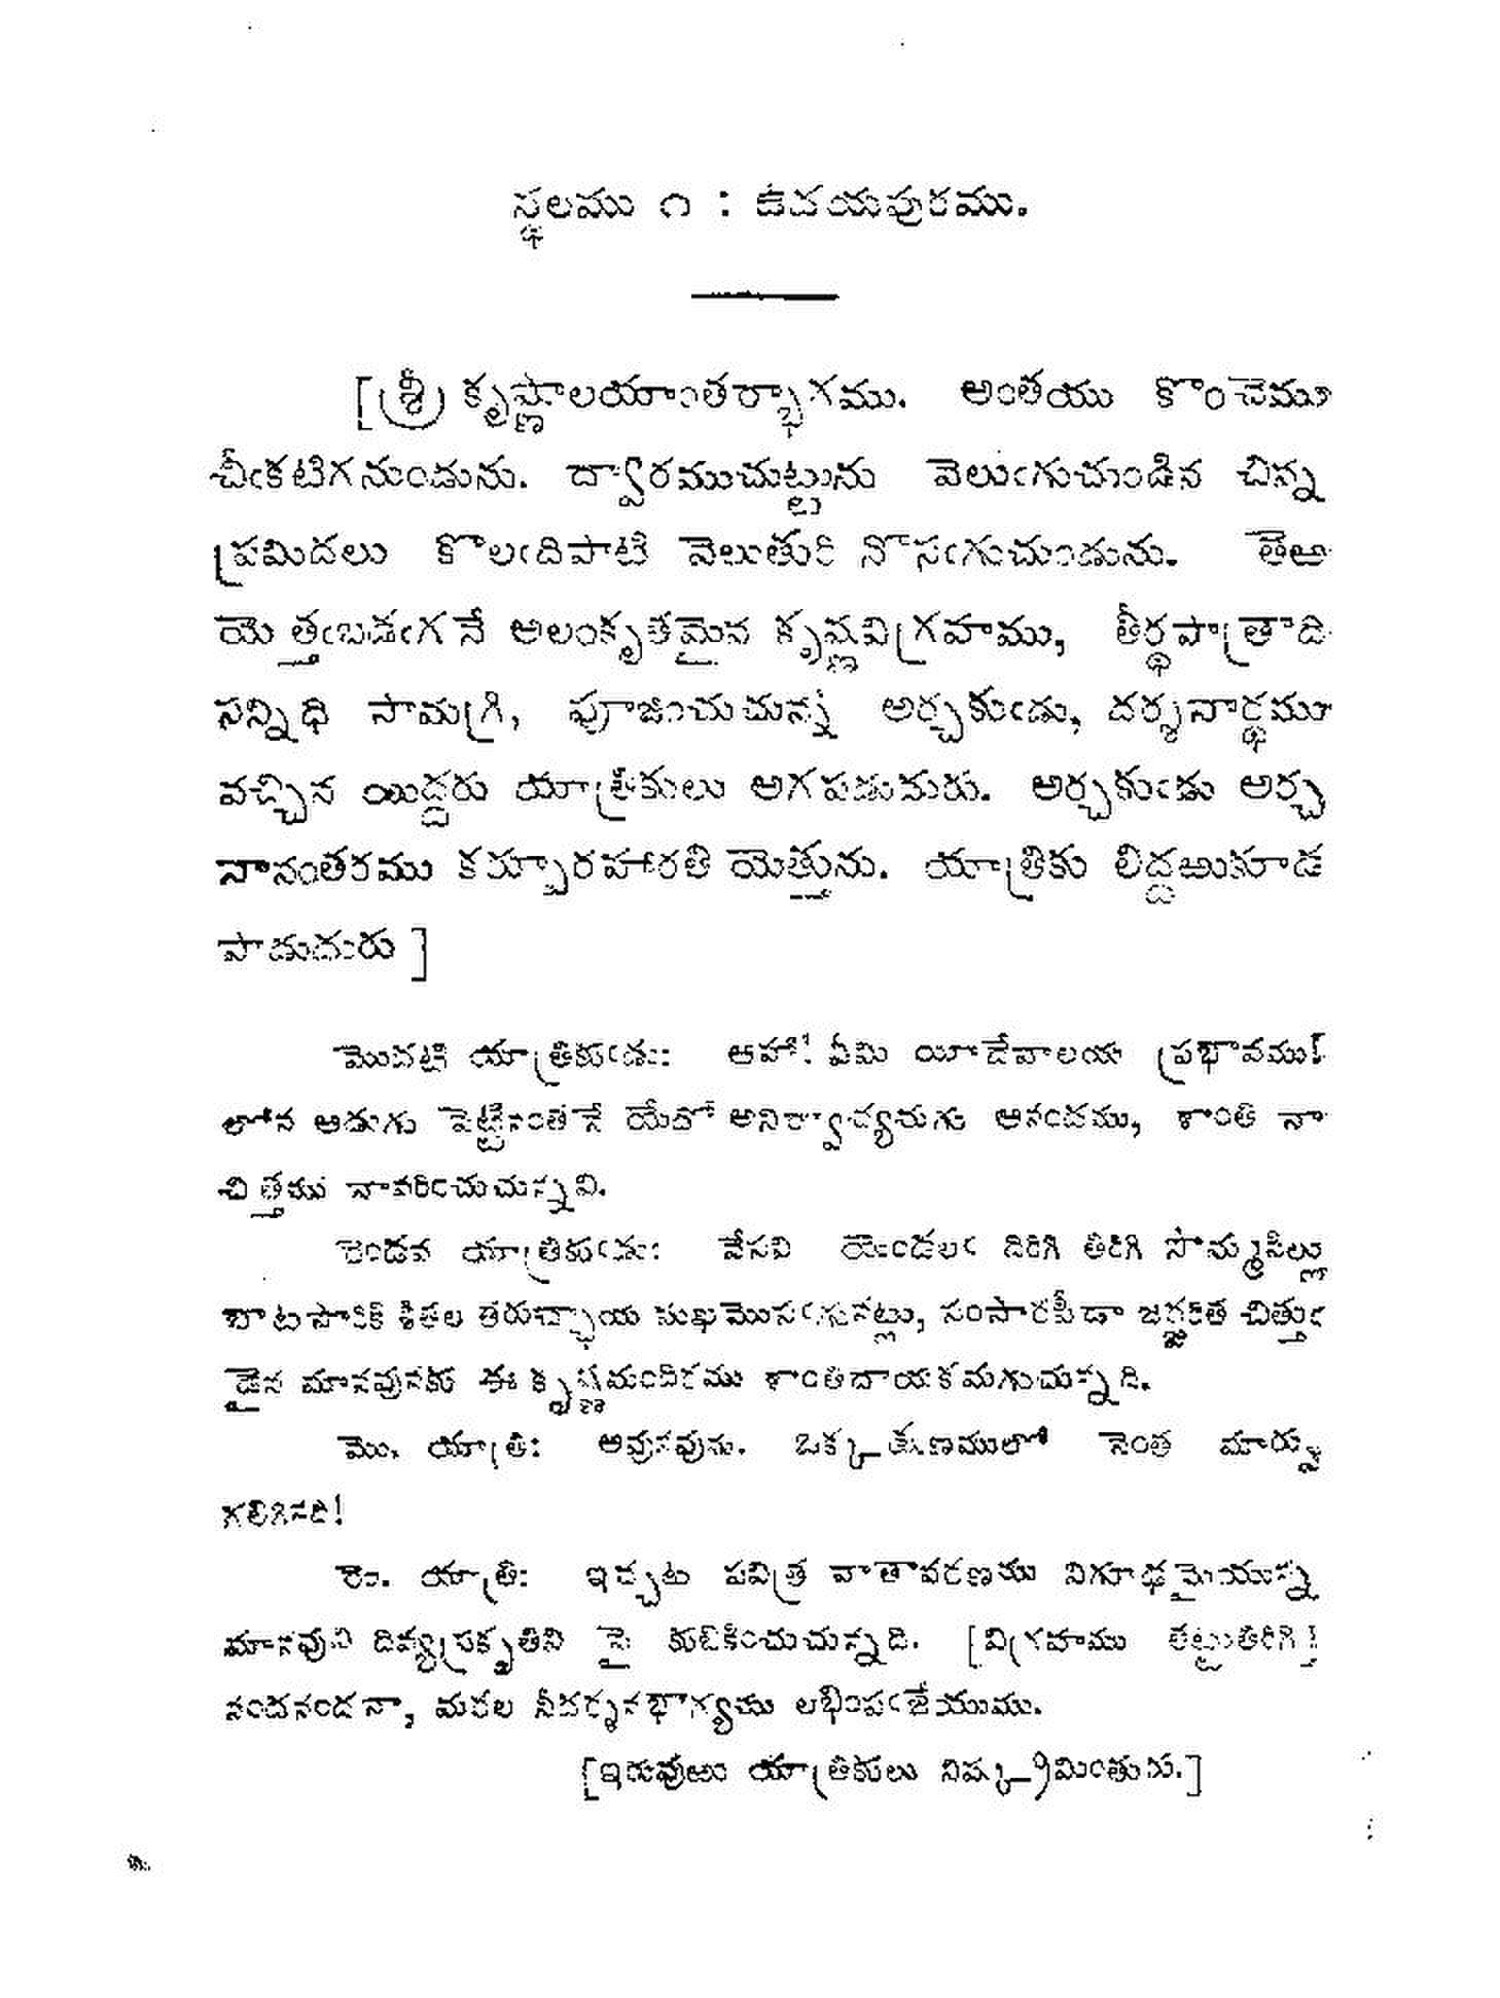ముదటి యాత్రికుఁడు : ఆహా! ఏమి యీదేవాలయ ప్రభావము! లోన అడుగు పెట్టినంతనే యేదో అనిర్వాచ్యమగు ఆనందము, శాంతి నా చిత్తము నావరించుచున్నవి.

రెండవ యాత్రికుఁడు : వేసవి యెండలఁ దిరిగి తిరిగి సొమ్మసిల్లు బాటసారికి శీతల తరుచ్ఛాయ సుఖమొసఁగునట్లు, సంసారపీడా జర్జరిత చిత్తుఁడైన మానవునకు ఈ కృష్ణమందిరము శాంతదాయకమగుచున్నది.

మొ. యాత్రి : అవునవును. ఒక్క క్షణములో నెంత మార్పు గలిగినది!

రెం. యాత్రి : ఇచ్చట పవిత్ర వాతావరణము నిగూఢమైయున్న మానవుని దివ్యప్రకృతిని పై కుబికించుచున్నది. [విగ్రహము తట్టుతిరిగి] నందనందనా, మరల నీదర్శనభాగ్యము లభింపఁజేయుము.